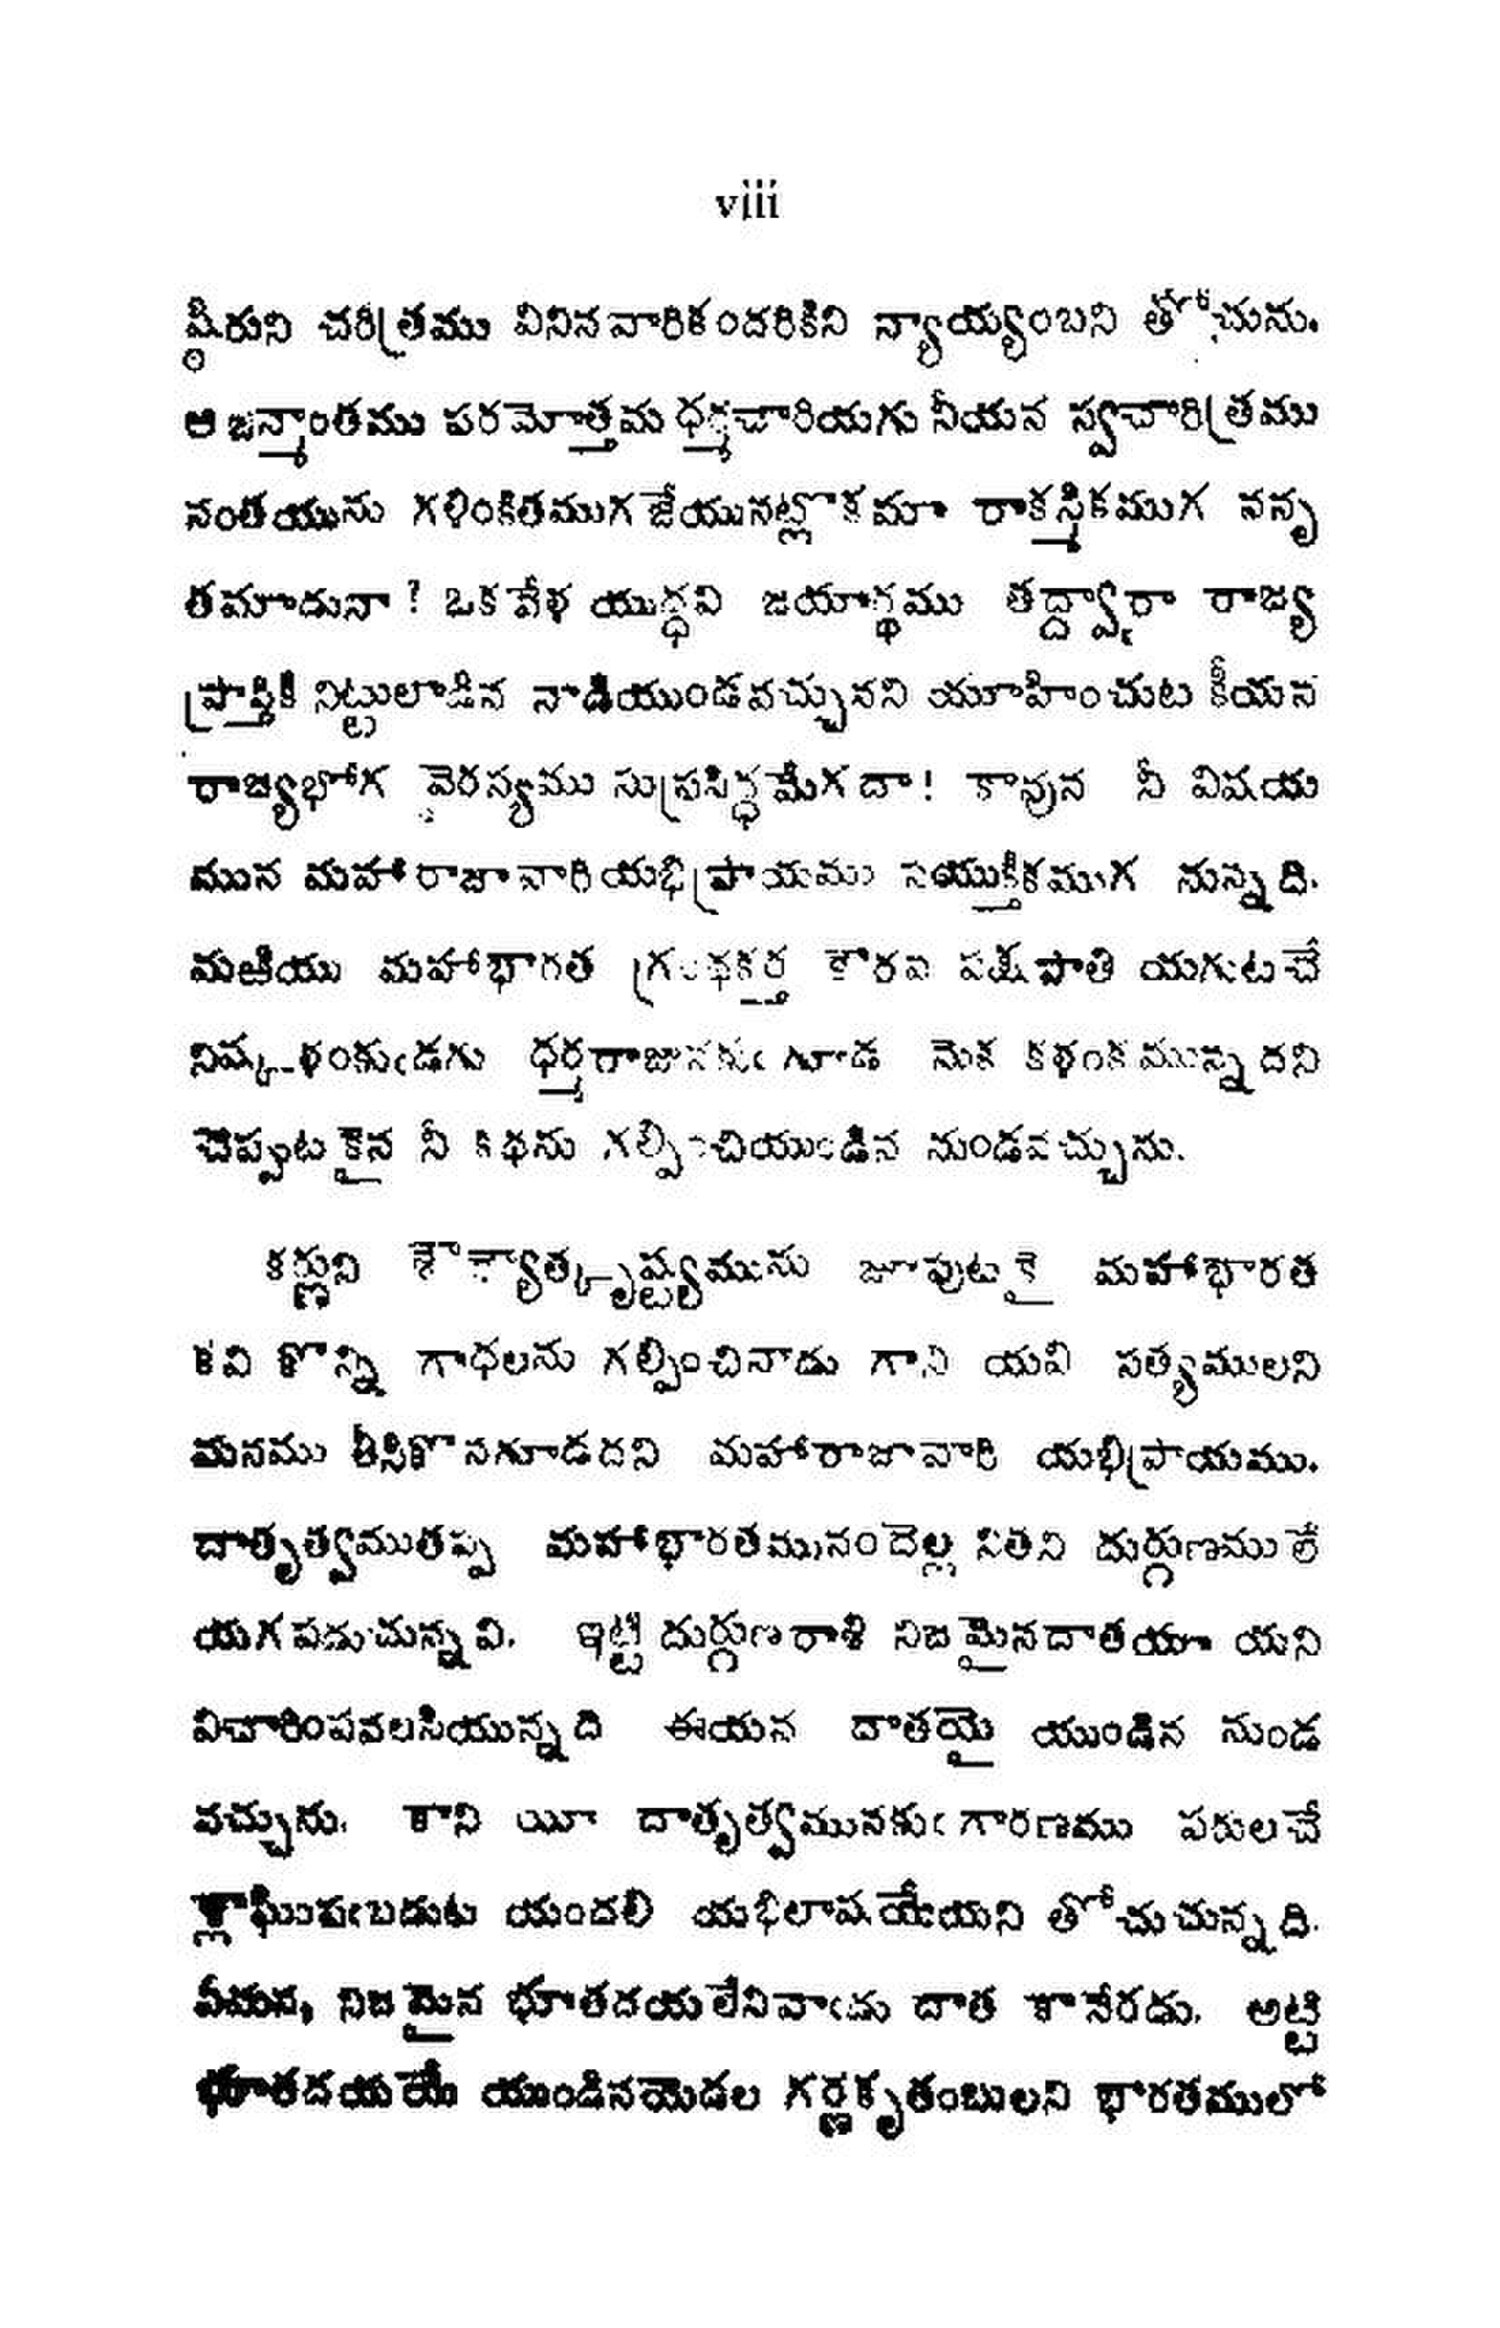ష్ఠిరుని చరిత్రము వినినవారికందరికిని న్యాయ్యంబని తోచును. ఆ జన్మాంతము పరమోత్తమధర్మ చారియగు నీయన స్వచారిత్రము నంతయును గళింకితముగ జేయునట్లొకమా రాకస్మికముగ ననృతమాడునా ! ఒకవేళ యుద్ధవి జయార్థము తద్ద్వారా రాజ్యప్రాప్తికి నిట్టులాడిన నాడియుండ వచ్చునని యూహించుట కీయన రాజ్యభోగ వైరస్యము సుప్రసిద్ధమేగదా! కావున నీ విషయమున మహారాజావారి యభిప్రాయము సయుక్తికముగ నున్నది. మఱియు మహాభారత గ్రంథకర్త కౌరవ పక్షపాతి యగుటచే నిష్కళంకుఁడగు ధర్మరాజునకుఁగూడ నొక కళంకమున్నదని చెప్పుటకైన నీ కథను గల్పించియుండిన నుండవచ్చును.

కర్ణుని శౌర్యౌత్కృష్ట్యమును జూపుటకై మహాభారత కవి కొన్ని గాధలను గల్పించినాడు గాని యవి సత్యములని మనము తీసికొనగూడదని మహారాజావారి యభిప్రాయము. దాతృత్వముతప్ప మహాభారతమునందెల్ల నితని దుర్గుణము లే యగపడుచున్నవి. ఇట్టి దుర్గుణరాశి నిజమైన దాతయా యని విచారింపవలసియున్నది. ఈయన దాతయై యుండిన నుండవచ్చును. కాని యీ దాతృత్వమునకుఁ గారణము పరులచే శ్లాఘింపఁబడుట యందలి యభిలాషయేయని తోచుచున్నది.
ఏమన, నిజమైన భూతదయలేనివాఁడు దాత కానేరడు. అట్టి భూతదయయే యుండినయెడల గర్ణకృతంబులని భారతములో